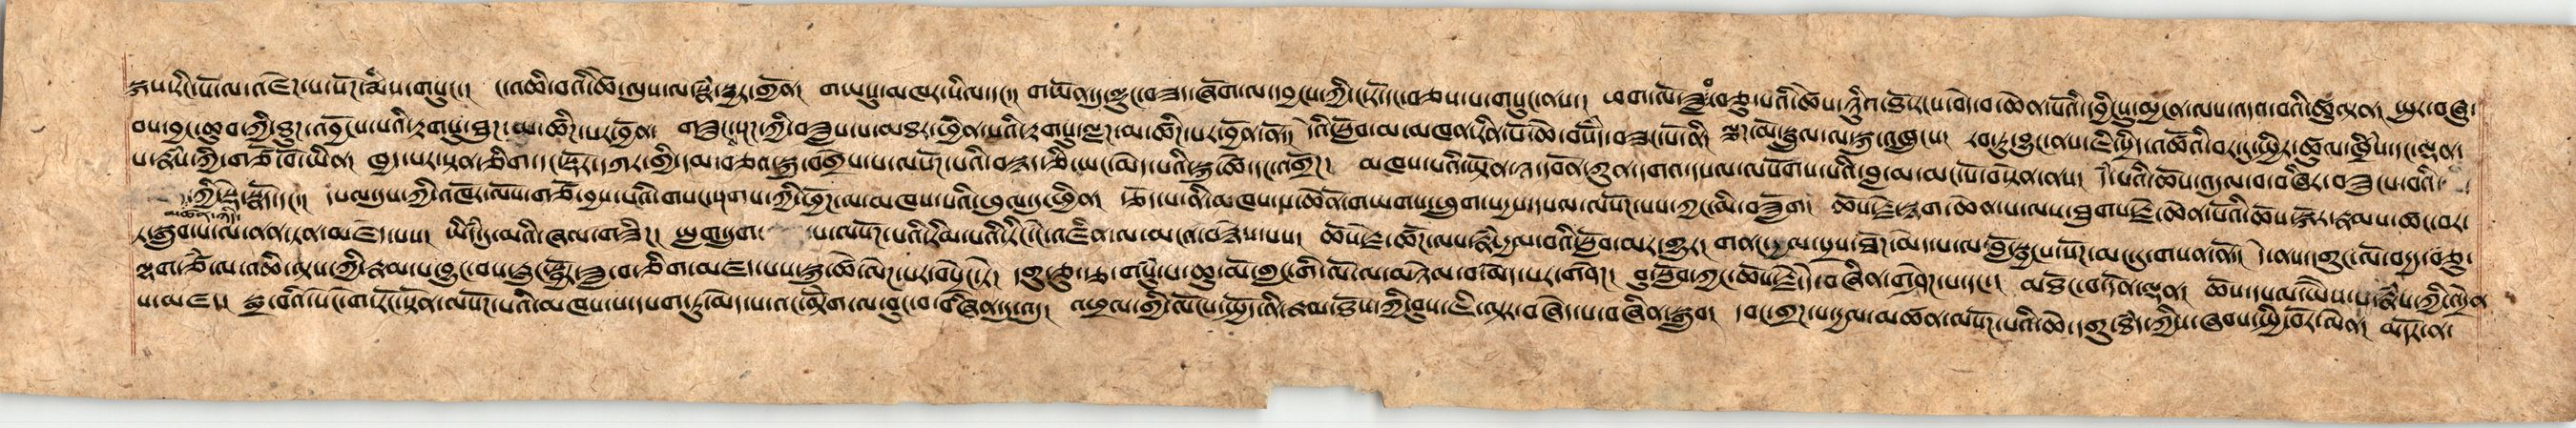སྐས་རིང་པོ་ལ་འཛེཌ་པ་སོཌ་རྨིས་གསུང་། ང་འཆི་བའི་ཚེ་ལུས་ལ་སྣཾ་སྦྱར་གྱོན། གཡསུ་མཁར་སིལ་དང་། གཡོན་དུ་ལྷུང་བཟད་ཞོག་ལ་དབྱངས་ཀྱི་ང་རོ་དང་བཅས་པ་གསུང་ནས་། ཕག་ལོ་ཟླ་བ་བཅུ་པའི་ཚེས་ཉིུའ་ཐོ་རངས་བདེ་བ་ཆེན་པོའི་དབྱིངསུ་མྱངན་ལས་འདའ་བའི་ཚུལྟན། སྤུར་བཞུ་
བས་བྱང་ཆུབ་ཀྱི་ཐུཌ་འབྱོངས་པའི་རྟགསུ་ཐུཌ་མ་ཚིཌ་པར་བྱོན། གཟུངས་སྔཌ་ཀྱི་བཟླས་པ་མཐར་ཕྱིན་པའི་རྟགསུ་ལྗཌ་མ་ཚིཌ་པར་བྱོན་ནོ་། དེའི་སློབ་མ་མཁན་རིན་པོ་ཅེ་བསོདཾ་བཟང་པོ་ནི། ལྕཌ་མོ་སྦྲུལ་ལ་སྐུ་འཁྲུངས། རབ་ཏུ་བྱུང་ནས་ཇི་སྲིད་འཚོའི་བར་དུ་སྤྱིར་ཚུལ་ཁྲིཾས་དང་ལྡན་
པ་རྣཾས་ཀྱི་གཙོ་བོ་ཡིན། ཁྱད་པར་སྟན་ཅིག་དང་སྡོར་དཀར་གྱི་དམ་བཅའ་སྐུ་བགྲེས་པ་ལསོཌ་པའི་བསྙད་ཅི་ཡང་མེད་པའི་སྐུ་ཚེ་དང་འགྲོཌ། མཁས་པའི་ཡྟོན་ཉ་དབོན་ཀུན་དགའ་དཔལ་ལསོགས་པའི་བླ་མ་མང་པོ་བསྟེན་ནས། དཾ་པའི་ཆོས་འདུལ་བ་བཞིར་བཟུངས་བའི་
མཚན་ཉིད་ཀྱི་སྡེ་སྣོད་དང་། དཔལ་དུས་ཀྱི་འཁོར་ལོས་གཙོ་བྱས་པའི་གསང་སྔགས་ཀྱི་ཕྱོཌ་ལ་མཁས་པའི་ཕུལ་དུ་ཕྱིན། རྩོད་པ་ནི་མཁས་པ་ཆེནོ་གཡགས་ཕྲུག་སདྱས་དཔལ་ལསོཌ་པས་ཀྱང་མི་བཟློག། ཆོས་རྗེ་སྙག་ཆེན་པ་ལས་ཐུགས་རྗེ་ཆེན་པོའི་ཆོས་སྐོར་རྣམས་ཚང་བར་
ཏ་སྒྲུབ་པ་ལ་ནན་ཏན་མཛད་པས། ཡིདཾ་དུ་མའི་ཞལ་གཟིཌ། ཡླག་དྲུག་ པ་ལསོཌ་པའི་རིམ་པའི་ཏིང་ངེ་འཛིན་ལ་མངའ་བརྙེས་པས། ཆོས་རྗེ་ཚོཌ་ལས་རྣཾ་དྱལ་བའི་སློབ་མར་གྱུར། གནང་དྱལ་སྲས་ཐོཌ་མེད་པ་ལ་བློ་སྦྱངས་སོཌ་མང་དུ་གསན་ནོ་། དེ་ནས་དགུང་ལོ་བདྱད་བཅུ་
ལྷག་ཙཾ་ལ་འཆི་ལྟས་ཀྱི་རྣམ་པ་བྱུང་བས་རླུང་སྦྱོར་ཟླ་བ་ཅིག་མཛད་པས་སྐུ་ཚེ་ལེཌ་པར་བསྲེང་ཏེ། དགུ་ཅུ་རྩ་གསུཾ་པ་ཆུ་མོ་གླང་གི་ལོ་ལ་མཉེམ་བ་མེད་པར་གཤེཌ། བུ་སློབ་ཀྱང་ཆོས་རྗེ་དེ་བཞིན་གཤེཌ་པ་དང་། མཐོང་བ་དོན་ལྡན། ཆཽས་དཔལ་ཡཻས་པ་རྣཾས་ཀྱི་འདྲེན་
པ་མཛད། སྨྲ་བའི་སེང་གེ་རོང་སྟོན་ལསོཌ་པའི་མཁས་པ་དཔག་ཏུ་མེད་པ་འང་མྟེགོ་ལ་བུང་བ་བཞིན་དུ་འདུ། འཕྲལ་གྱི་ལོངས་སྤྱོད་ནི་རྣམ་ཐོས་ཀྱི་བུས་ཇི་ལྟར་བཞེད་པ་བཞིན་སྒྲུབ། དབང་གྲཌ་པ་དྱལ་མཚན་ལསོཌ་པའི་ཆེ་དགུ་ཐཾད་ཀྱིས་ཞབས་སྤྱི་བོར་ལེན། མདོར་ན་